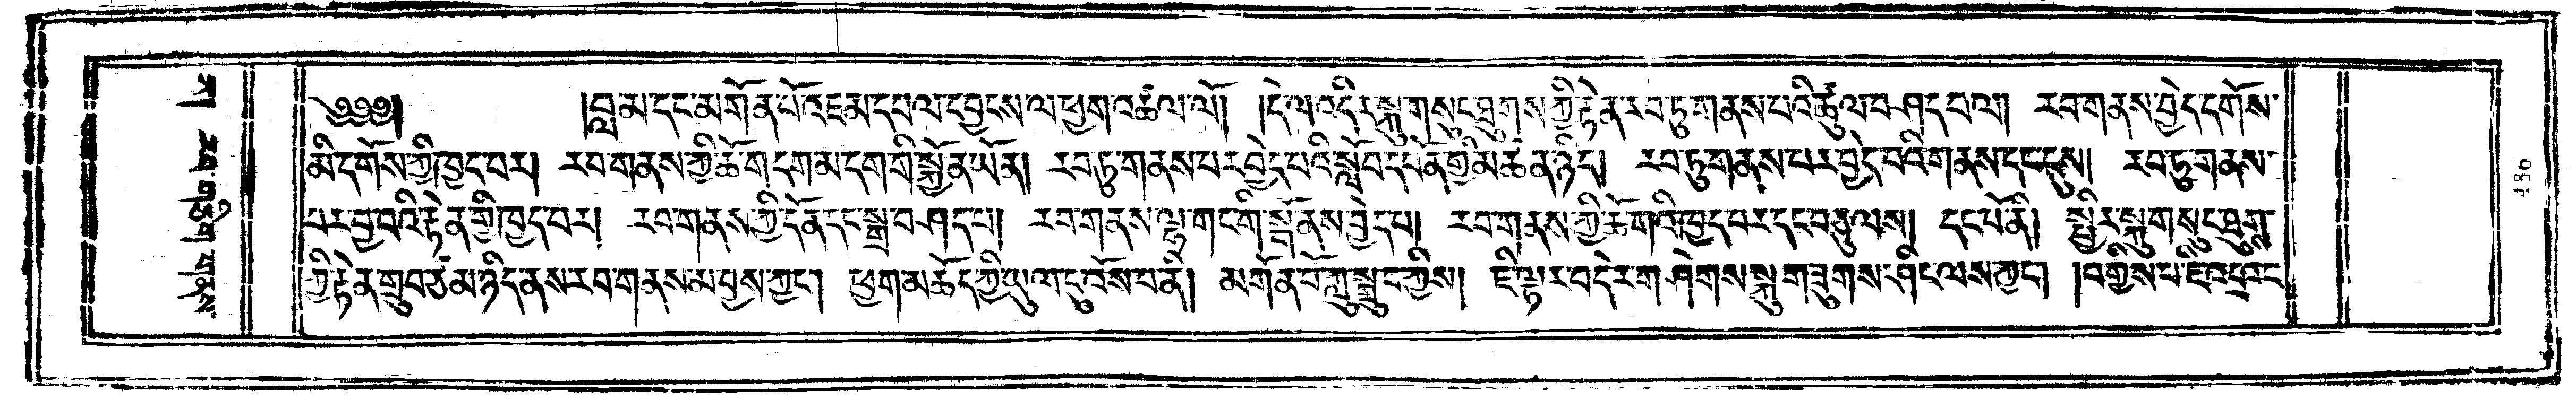༄༅༅། །བླ་མ་དང་མགོན་པོ་འཇམ་དཔལ་དབྱངས་ལ་ཕྱག་འཚལ་ལོ། །དེ་ལ་འདིར་སྐུ་གསུང་ཐུགས་ཀྱི་རྟེན་རབ་ཏུ་གནས་པའི་ཚུལ་བཤད་བལ། །རབ་གནས་བྱེད་དགོས་
མི་དགོས་ཀྱི་ཁྱད་པར། རབ་གནས་ཀྱི་ཆོ་ག་དག་མ་དག་གི་སྐྱོན་ཡོན། རབ་ཏུ་གནས་པར་བྱེད་པའི་སློབ་དཔོན་གྱི་མཚན་ཉིད། རབ་ཏུ་གནས་པར་བྱེད་པའི་གནས་དང་དུས། རབ་ཏུ་གནས་
པར་བྱ་བའི་རྟེན་གྱི་ཁྱད་པར། རབ་གནས་ཀྱི་དོན་དང་སྒྲ་བཤད་པ། རབ་གནས་ལྷ་གང་གི་སྒོ་ནས་བྱེད་པ། རབ་གནས་ཀྱི་ཆོ་གའི་ཁྱད་པར་དང་བཅུ་ལས། དང་པོ་ནི། སྤྱིར་སྐུ་གསུང་ཐུགས་
གྱི་རྟེན་གྲུབ་ཙམ་ཉིད་ནས་རབ་གནས་མ་བྱས་ཀྱང་། ཕྱག་མཆོད་ཀྱི་ཡུལ་དུ་འོས་པ་ནི། མགོན་པོ་ཀླུ་སྒྲུབ་ཀྱིས། །ཇི་ལྟར་བདེར་གཤེགས་སྐུ་གཟུགས་ཤིང་ལས་ཀྱང་། །བགྱིས་པ་ཇི་འབྲའང་